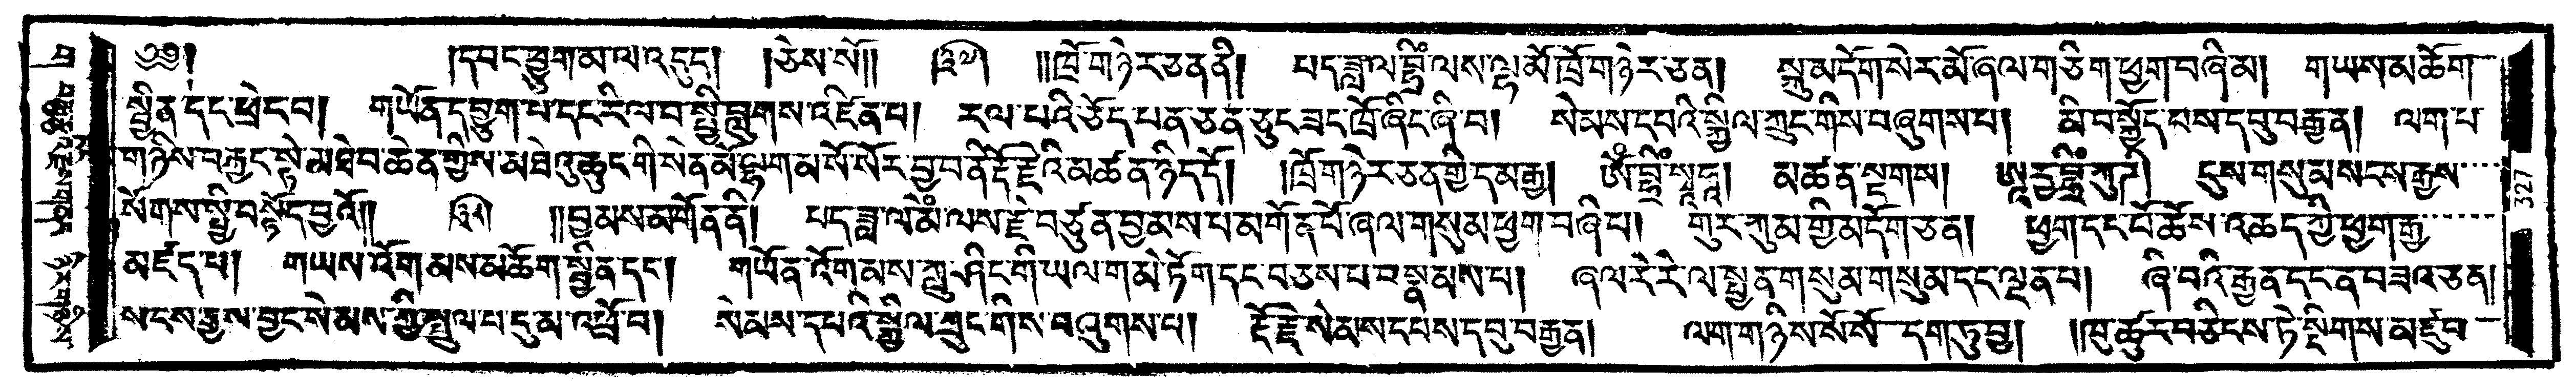༄༅། །དབང་ཕྱུག་མ་ལ་འདུད། །ཅེས་སོ།། ༣༧?་།།ཁྲོ་གཉེར་ཅན་ནི། པད་ཟླ་ལ་བྷྲིཾ་ལས་ལྷ་མོ་ཁྲོ་གཉེར་ཅན། སྐུ་མདོག་སེར་མོ་ཞལ་གཅིག་ཕྱག་བཞིམ། གཡས་མཆོག་
སྦྱིན་དང་ཕྲེང་བ། གཡོན་དབྱུག་པ་དང་རིལ་བ་སྤྱི་བླུགས་འཛིན་པ། རལ་པའི་ཅོད་པན་ཅན་ཅུང་ཟད་ཁྲོ་ཞིང་ཞི་བ། སེམས་དཔའི་སྐྱིལ་ཀྲུང་གིས་བཞུགས་པ། མི་བསྐྱོད་པས་དབུ་བརྒྱན། ལག་པ་
གཉིས་བརྐྱང་སྟེ་མཐེབ་ཆེན་གྱིས་མཐེའུ་ཆུང་གི་སེན་མོ་ལྷག་མ་སོ་སོར་བྱ་བ་ནི་རྡོ་རྗེའི་མཚན་ཉིད་དོ། །ཁྲོ་གཉེར་ཅན་གྱི་དམ་རྒྱ། ཨོཾ་བྷྲིཾ་སྭཱཧཱ། མཚན་སྔགས། ཨཱརྱ་བྷྲིཾ་ཀུ་ཌི། དུས་གསུམ་སངས་རྒྱས་
སོགས་སྤྱི་བསྟོད་བྱའོ།། ༣༨?་།།བྱམས་མགོན་ནི། པད་ཟླ་ལ་མེཾ་ལས་རྗེ་བཙུན་བྱམས་པ་མགོན་པོ་ཞལ་གསུམ་ཕྱག་བཞི་པ། གུར་ཀུམ་གྱི་མདོག་ཅན། ཕྱག་དང་པོ་ཆོས་འཆད་ཀྱི་ཕྱག་རྒྱ་
མཛད་པ། གཡས་འོག་མས་མཆོག་སྦྱིན་དང་། གཡོན་འོག་མས་ཀླུ་ཤིང་གི་ཡལ་ག་མེ་ཏོག་དང་བཅས་པ་བསྣམས་པ། ཞལ་རེ་རེ་ལ་སྤྱན་གསུམ་གསུམ་དང་ལྡན་པ། ཞི་བའི་རྒྱན་དང་ན་བཟའ་ཅན།
སངས་རྒྱས་བྱང་སེམས་ཀྱི་སྤྲུལ་པ་དུ་མ་འཕྲོ་བ། སེམས་དཔའི་སྐྱིལ་ཀྲུང་གིས་བཞུགས་པ། རྡོ་རྗེ་སེམས་དཔས་དབུ་བརྒྱན། ལག་གཉིས་སོ་སོ་དག་ཏུ་བྱ། །ཁུ་ཚུར་བཅིངས་ཏེ་སྡིགས་མཛུབ་